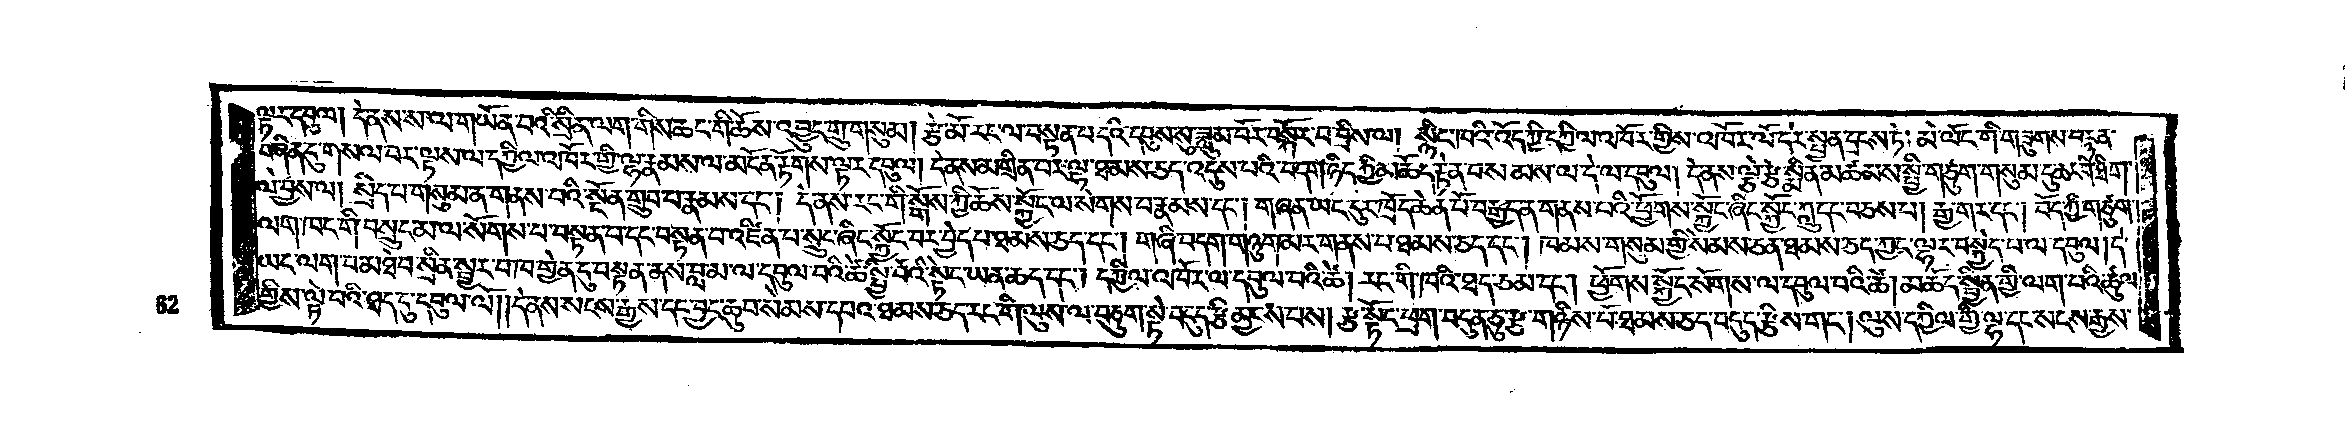ལྟར་དབུལ། དེ་ནས་ས་ལ་གཡོན་པའི་སྲིན་ལག་གིས་ཆང་གི་ཆོས་འབྱུང་གྲུ་གསུམ། རྩེ་མོ་རང་ལ་བསྟན་པ་དེའི་དབུས་སུ་ཟླུམ་པོར་བསྐོར་བ་བྲིས་ལ། སྙིང་ཁའི་འོད་ཀྱི་དཀྱིལ་འཁོར་གྱིས་འཁོར་ལོ་དེར་སྤྱན་དྲངས་ཏེ། མེ་ལོང་གི་གཟུགས་བརྙན་
བཞིན་དུ་གསལ་བར་ལྟས་ལ་དཀྱིལ་འཁོར་གྱི་ལྷ་རྣམས་ལ་མངོན་རྟོགས་ལྟར་དབུལ། དེ་ནས་མགྲིན་པར་ལྷ་ཐམས་ཅད་འདུས་པའི་བདག་ཉིད་ཀྱི་མཆོད་རྟེན་བསམས་ལ་དེ་ལ་དབུལ། དེ་ནས་ལྕེ་རྩེ་སྨིན་མཚམས་སྤྱི་གཙུག་གསུམ་དུ་ཆང་གི་ཐིག་
ལེ་བྱས་ལ། སྲིད་པ་གསུམ་ན་གནས་པའི་སྔོན་གྲུབ་པ་རྣམས་དང་། དེ་ནས་རང་གི་སྒོས་ཀྱི་ཆོས་སྐྱོང་ལ་སོགས་པ་རྣམས་དང་། གཞན་ཡང་དུར་ཁྲོད་ཆེན་པོ་བརྒྱད་ན་གནས་པའི་ཕྱོགས་སྐྱོང་ཞིང་སྐྱོང་ཀླུ་དང་བཅས་པ། རྒྱ་གར་དང་། བོད་ཀྱི་གཙུག་
ལག་ཁང་གི་བསྲུང་མ་ལ་སོགས་པ་བསྟན་པ་དང་བསྟན་པ་འཛིན་པ་སྲུང་ཞིང་སྐྱོང་བར་བྱེད་པ་ཐམས་ཅད་དང་། གཞི་བདག་གཉུག་མར་གནས་པ་ཐམས་ཅད་དང་། ཁམས་གསུམ་གྱི་སེམས་ཅན་ཐམས་ཅད་ཀྱང་ལྷར་བསྐྱེད་པ་ལ་དབུལ། དེ་
ཡང་ལག་པ་མཐེབ་སྲིན་སྦྱར་བ་ཁ་གྱེན་དུ་བསྟན་ནས་བླ་མ་ལ་དབུལ་བའི་ཚེ་སྤྱི་བོའི་སྟེང་ཡན་ཆད་དང་། དཀྱིལ་འཁོར་ལ་དབུལ་བའི་ཚེ། རང་གི་ཁའི་ཐད་ཙམ་དང་། ཕྱོགས་སྐྱོང་སོགས་ལ་དབུལ་བའི་ཚེ། མཆོད་སྦྱིན་གྱི་ལག་པའི་ཚུལ་
གྱིས་ལྟ་བའི་ཐད་དུ་དབུལ་ལོ། །དེ་ནས་སངས་རྒྱས་དང་བྱང་ཆུབ་སེམས་དཔའ་ཐམས་ཅད་རང་གི་ལུས་ལ་བཅུག་སྟེ་བདུད་རྩི་མྱངས་པས། རྩ་སྟོང་ཕྲག་བདུན་ཅུ་རྩ་གཉིས་པོ་ཐམས་ཅད་བདུད་རྩིས་གང་། ལུས་དཀྱིལ་གྱི་ལྷ་དང་སངས་རྒྱས་